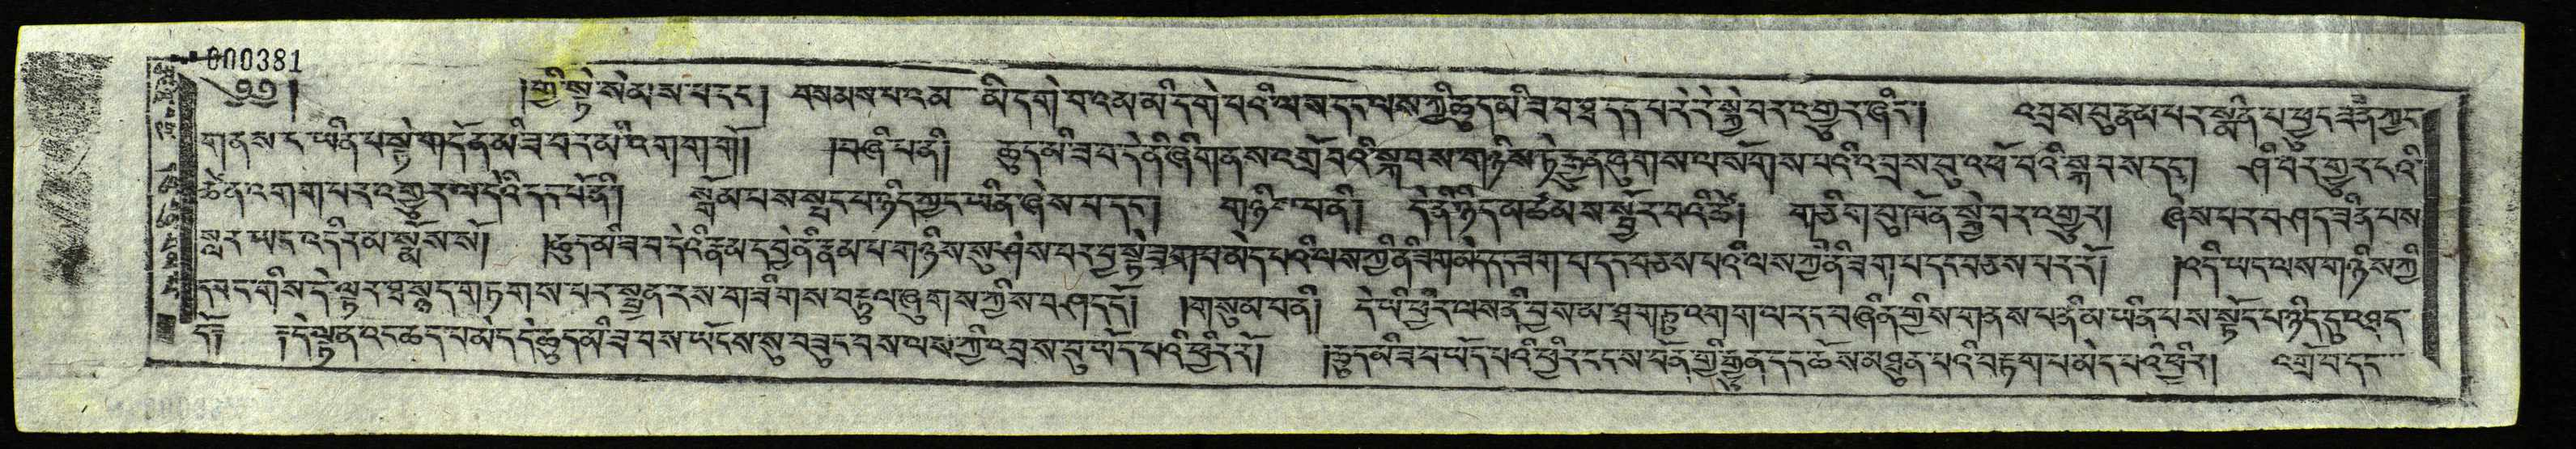༄༅། །གྱི་སྟེ་སེམས་པ་དང་། བསམས་པའམ་མི་དགེ་བ་འམ་མི་དགེ་བའི་ལས་དང་ལས་ཀྱི་ཆུད་མི་ཟ་བ་ཐ་དད་པ་རེ་རེ་སྐྱེ་བར་འགྱུར་ཞིང་། འབྲས་བུ་རྣམ་པར་སྨིན་པ་ཕྱུང་ཟིན་ཀྱང་
གནས་པ་ཡིན་པ་སྟེ་གདོན་མི་ཟ་བར་མི་འགག་གོ། །བཞི་པ་ནི། ཆུད་མི་ཟ་བ་དེ་ནི་ཞིག་ནས་འགྲོ་བའི་སྐབས་གཉིས་ཏེ་རྒྱུན་ཞུགས་ལ་སོགས་པའི་འབྲས་བུ་འཕོ་བའི་སྐབས་དང་། ཤི་བར་གྱུར་པའི་
ཚེ་ན་འགག་པར་འགྱུར་ལ་དེའི་དང་པོ་ནི། སྒོམ་པས་སྤང་པ་ཉིད་ཀྱང་ཡིན་ཞེས་པ་དང་། གཉིས་པ་ནི། དེ་ནི་ཉིད་མཚམས་སྦྱོར་བའི་ཚེ། གཅིག་པུ་ཁོ་ན་སྐྱེ་བར་འགྱུར། ཞེས་པར་བཤད་ཟིན་པས་
སླར་ཡང་འདིར་མ་སྨོས་སོ། །ཆུད་མི་ཟ་བ་དེའི་རྣམ་དབྱེ་ནི་རྣམ་པ་གཉིས་སུ་ཤེས་པར་བྱ་སྟེ་ཟག་པ་མེད་པའི་ལས་ཀྱི་ནི་ཟག་མེད་དང་ཟག་པ་དང་བཅས་པའི་ལས་ཀྱི་ནི་ཟག་པ་དང་བཅས་པར་རོ། །འདི་ཡང་ལས་གཉིས་ཀྱི་
དབང་གིས་དེ་ལྟར་ཐ་སྙད་གཏགས་པར་སྤྱན་རས་གཟིགས་བརྟུལ་ཞུགས་ཀྱིས་བཤད་དོ། །གསུམ་པ་ནི། དེ་ཡི་ཕྱིར་ལས་ནི་བྱས་མ་ཐག་ཏུ་འགག་ལ་རང་བཞིན་གྱིས་གནས་པ་ནི་མ་ཡིན་པས་སྟོང་པ་ཉིད་དུ་འཐད་
དོ༑ ༑དེ་ལྟ་ནའང་ཆད་པ་མེད་དེ་ཆུད་མི་ཟ་བས་ཡོངས་སུ་བཟུང་བས་ལས་ཀྱི་འབྲས་བུ་ཡོད་པའི་ཕྱིར་རོ། །ཆུད་མི་ཟ་བ་ཡོད་པའི་ཕྱིར་དང་ས་བོན་གྱི་རྒྱུན་དང་ཆོས་མཐུན་པའི་བརྟག་པ་མེད་པའི་ཕྱིར། འགྲོ་བ་དང་